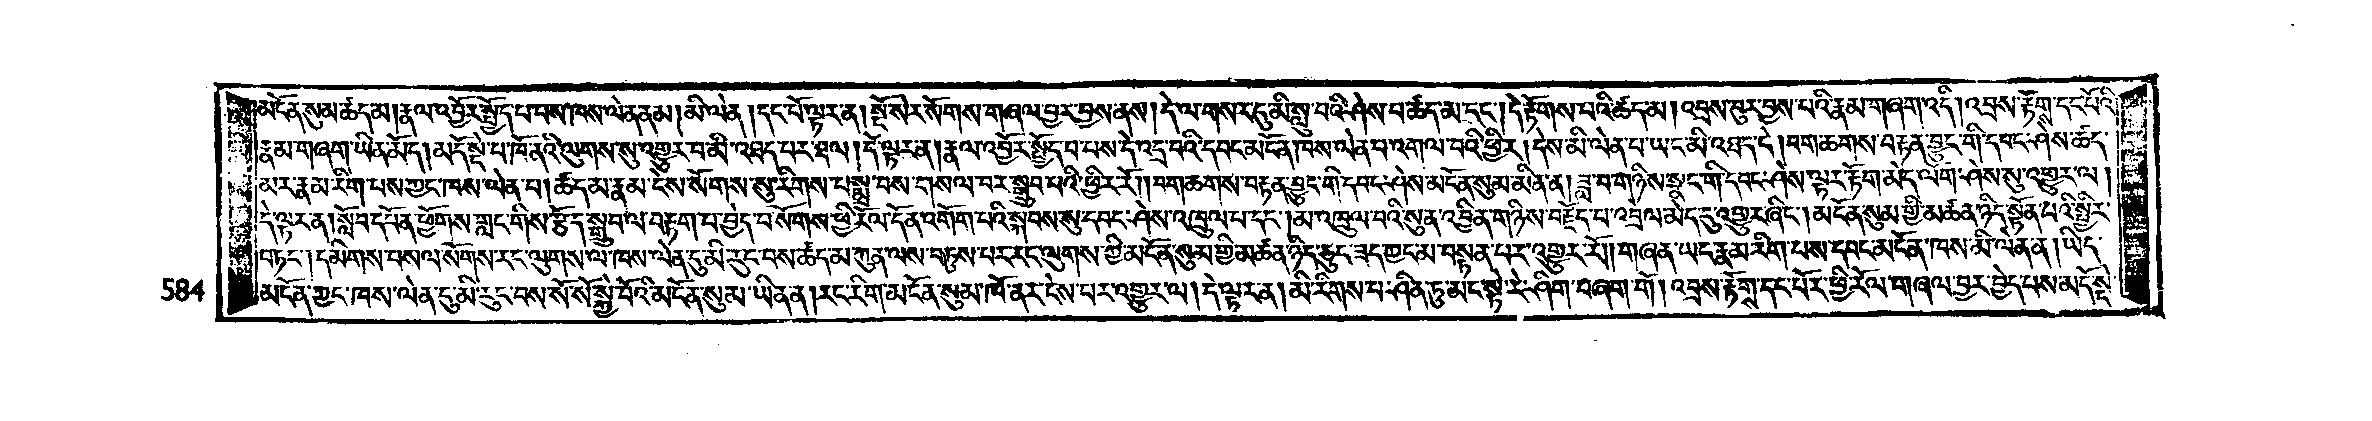མངོན་སུམ་ཚད་མ། རྣལ་འབྱོར་སྤྱོད་པ་པས་ཁས་ལེན་ནམ། མི་ལེན། དང་པོ་ལྟར་ན། སྔོ་སེར་སོགས་གཞལ་བྱར་བྱས་ནས། དེ་ལ་གསར་དུ་མི་སླུ་བའི་ཤེས་པ་ཚད་མ་དང་། དེ་རྟོགས་པའི་ཚད་མ། འབྲས་བུར་བྱས་པའི་རྣམ་གཞག་འདི། འབྲས་རྟོགས་དང་པོའི་
རྣམ་གཞག་ཡིན་མོད། མདོ་སྡེ་པ་ཁོ་ནའི་ལུགས་སུ་འགྱུར་བ་མི་འཐད་པར་ཐལ། དེ་ལྟར་ན། རྣལ་འབྱོར་སྤྱོད་པ་པས་དེ་འདྲ་བའི་དབང་མངོན་ཁས་ལེན་བ་འགལ་བའི་ཕྱིར། དེས་མི་ལེན་པ་ཡང་མི་འཐད་དེ། བག་ཆགས་བརྟན་བྱུང་གི་དབང་ཤེས་ཚད་
མར་རྣམ་རིག་པས་ཀྱང་ཁས་ལེན་པ། ཚད་མ་རྣམ་ངེས་སོགས་སུ་རིགས་པ་སྨྲ་བས་གསལ་བར་སྒྲུབ་པའི་ཕྱིར་རོ། །བག་ཆགས་བརྟན་བྱུང་གི་དབང་ཤེས་མངོན་སུམ་མིན་ན། ཟླ་བ་གཉིས་སྣང་གི་དབང་ཤེས་ལྟར་རྟོག་མེད་ལོག་ཤེས་སུ་འགྱུར་ལ།
དེ་ལྟར་ན། སློབ་དཔོན་ཕྱོགས་གླང་གིས་རྩོད་སྒྲུབ་ལ་བརྟག་པ་བྱེད་པ་སོགས་ཕྱི་རོལ་དོན་འགོག་པའི་སྐབས་སུ་དབང་ཤེས་འཁྲུལ་པ་དང་། མ་འཁྲུལ་བའི་སུན་འབྱིན་གཉིས་བརྗོད་པ་འབྲེལ་མེད་དུ་འགྱུར་ཞིང་། མངོན་སུམ་གྱི་མཚན་ཉིད་སྟོན་པའི་སྤྱིར་
བཏང་། དམིགས་བསལ་སོགས་རང་ལུགས་ལ་ཁས་ལེན་དུ་མི་རུང་བས་ཚད་མ་ཀུན་ལས་བཏུས་པར་རང་ལུགས་ཀྱི་མངོན་སུམ་གྱི་མཚན་ཉིད་ཅུང་ཟད་ཀྱང་མ་བསྟན་པར་འགྱུར་རོ། །གཞན་ཡང་རྣམ་རིག་པས་དབང་མངོན་ཁས་མི་ལེན་ན། ཡིད་
མངོན་ཀྱང་ཁས་ལེན་དུ་མི་རུང་བས་སོ་སོ་སྐྱེ་བོའི་མངོན་སུམ་ཡིན་ན། རང་རིག་མངོན་སུམ་ཁོ་ནར་ངེས་པར་འགྱུར་ལ། དེ་ལྟར་ན། མི་རིགས་པ་ཤིན་ཏུ་མང་སྟེ་རེ་ཤིག་བཞག་གོ། འབྲས་རྟོགས་དང་པོར་ཕྱི་རོལ་གཞལ་བྱར་བྱེད་པས་མདོ་སྡེ་